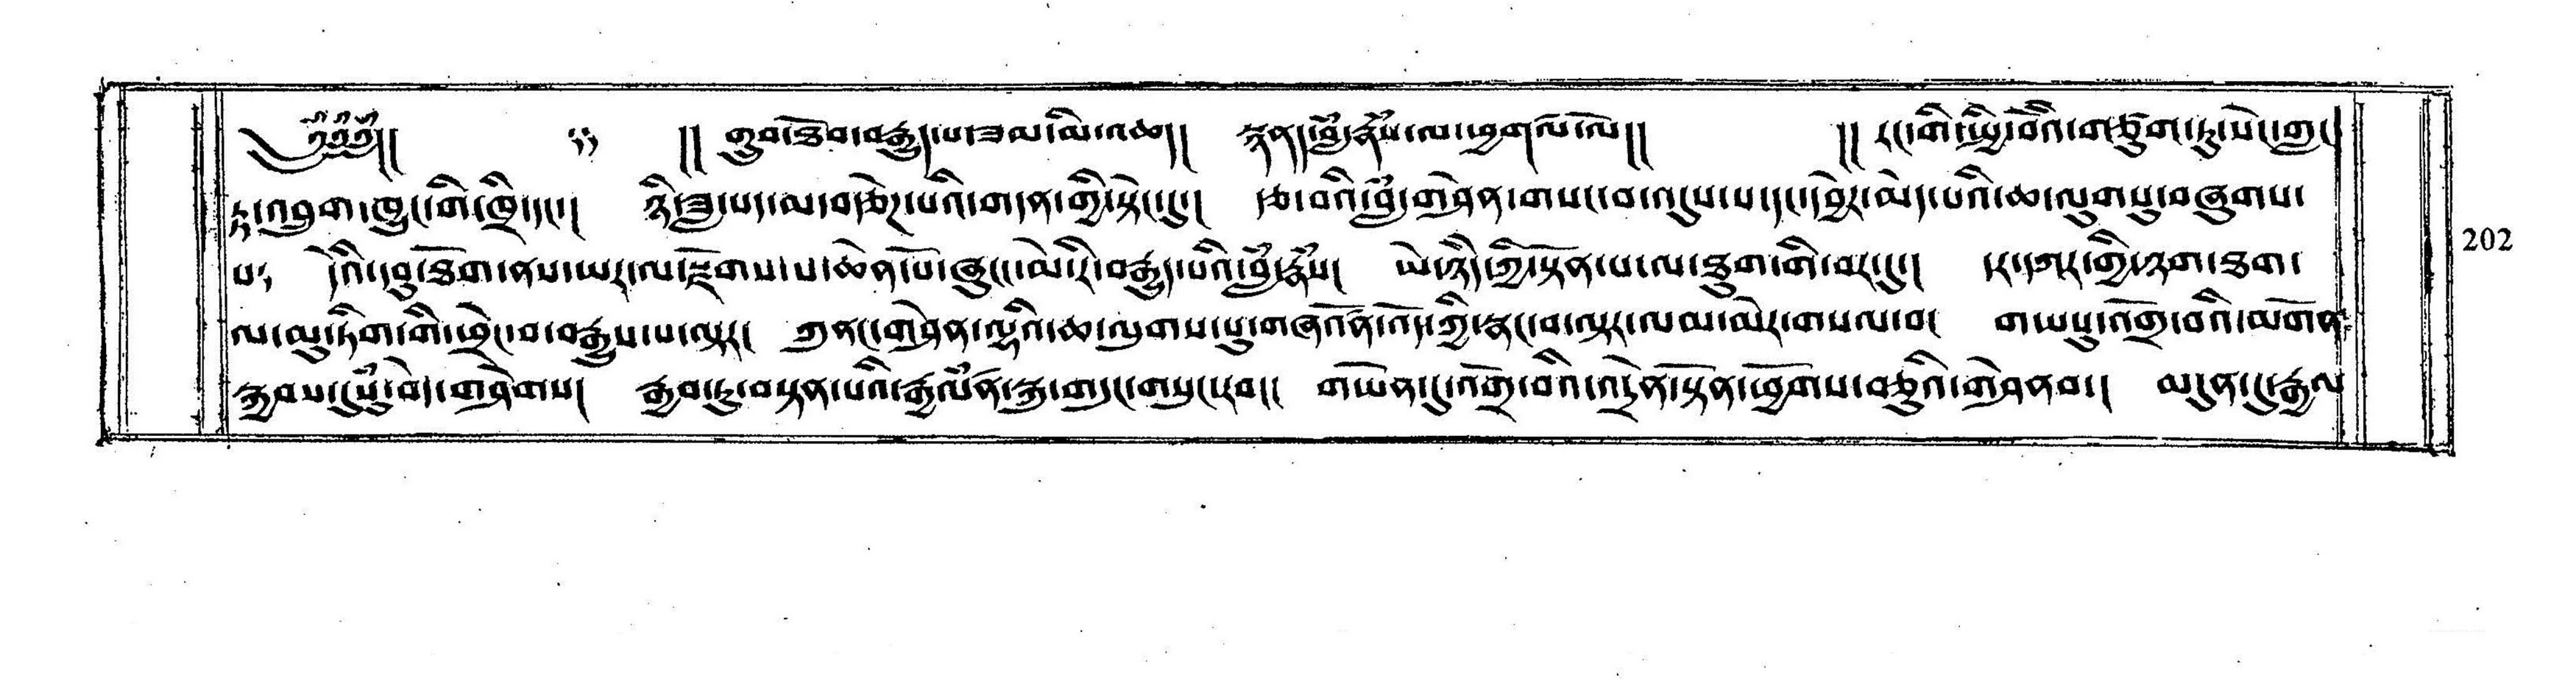༄༅༅།། །།གྲུབ་ཐོབ་བརྒྱུད་པ་ཟམ་མི་འཆད། སྙན་རྒྱུད་བླ་མ་རྣམས་ལ་ཕྱག་འཚལ་ལོ།། །།རང་གི་སྤྱི་བོའི་གཙུག་ཏུ་སེང་གླང་
རྟ་འབྲུག་ཁྱུང་གི་ཁྲི་དང་། ཉི་ཟླ་པད་མ་བརྩེགས་པའི་གདན་གྱི་སྟེང་དུ། རྩ་བའི་བླ་མ་གཤེན་གསང་བ་འདུས་པ་དང་དབྱེར་མེད་པའི་ཆ་ལུགས་སུ་བཞུགས་
པ། དེའི་དབུ་ཐོག་ནས་ཡར་ལ་རྫོགས་པ་ཆེན་པོ་ཞང་ཞུང་མེ་རི་བརྒྱུད་པའི་བླ་མ་རྣམས། ཡེ་ཉིད་ཀྱི་སྟོན་པ་ལ་ཐུག་གི་བར་དུ། དར་དཀར་གྱི་ཉག་ཐག་
ལ་མུ་ཏིག་གི་ཕྲེང་བ་བརྒྱུས་པ་ལྟར། ཀུན་བཟང་གཤེན་ལྷའི་ཆ་ལུགས་སུ་གཞའ་ཚོན་འོད་ཀྱི་སྣང་བ་ལྟར་ལམ་མེར་གསལ་བ། གཡས་སུ་འགྲོ་བའི་མགོན་
སྐྱབས་དུས་གསུམ་བདེ་གཤེགས། རྒྱབ་ཏུ་བསྟན་པའི་རྒྱལ་མཚན་སྐུ་གདུང་གསུང་རབ།། གཡོན་དུ་འགྲོ་བའི་འདྲེན་སྟོན་ཕྱོགས་བཅུའི་གཤེན་རབ། མདུན་དུ་རྒྱལ་